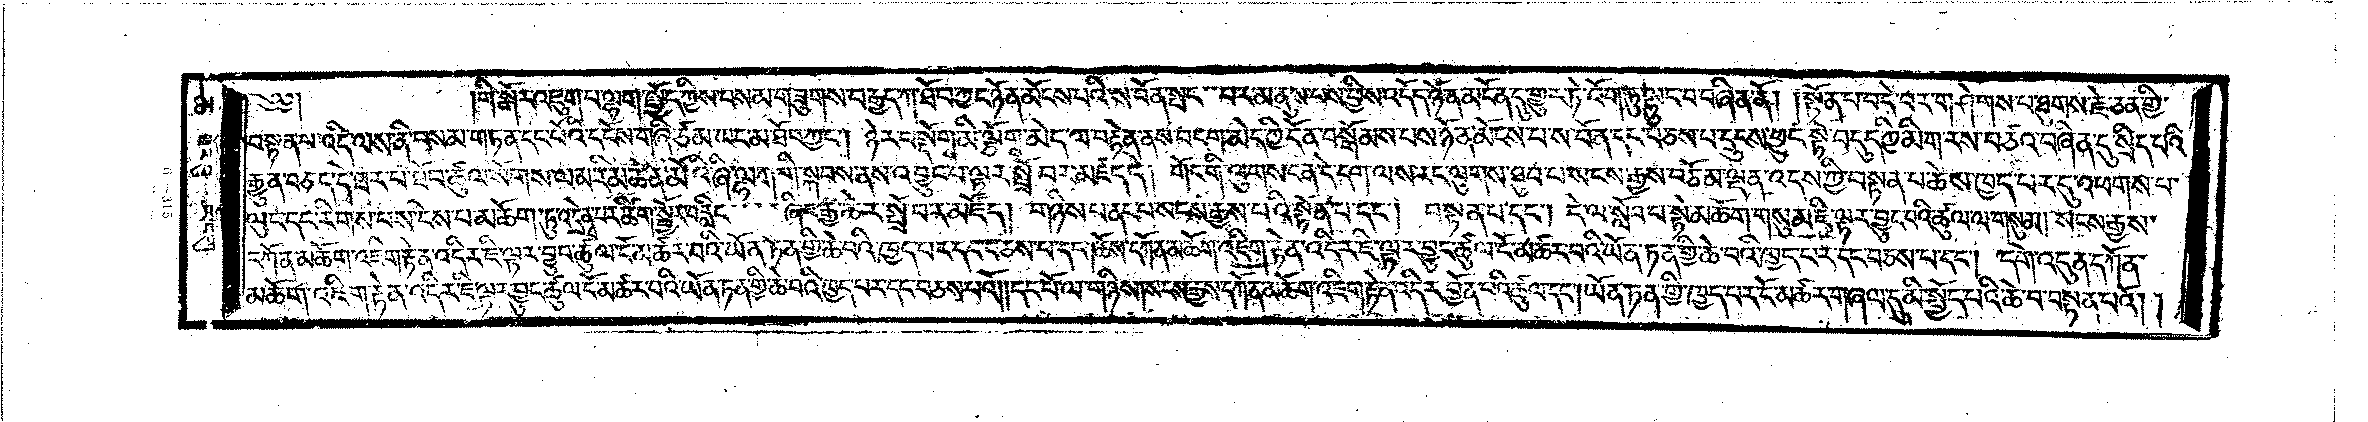༄༅། །གི་སྒོར་འཇུག་པ་ལྷག་སྤྱོད་ཀྱིས་བསམ་གཟུགས་བརྒྱད་ཀ་ཐོབ་ཀྱང་ཉོན་མོངས་པའི་ས་བོན་སྤང་བར་མ་ནུས་པས་ཕྱིས་འདོད་ཉོན་མངོན་དུ་གྱུར་ཏེ་འོག་ཏུ་ལྷུང་བ་བཞིན་ནོ། །སྟོན་པ་བདེ་བར་གཤེགས་པ་ཐུགས་རྗེ་ཅན་གྱི་
བསྟན་པ་འདི་ལས་ནི་བསམ་གཏན་དང་པོའི་དངོས་གཞི་ཙམ་ཡང་མ་ཐོབ་ཀྱང་། ཉེར་བསྡོགས་མི་ལྡོགས་མེད་ལ་བརྟེན་ནས་བདག་མེད་ཀྱི་དོན་བསྒོམས་པས་ཉོན་མོངས་པ་ས་བོན་དང་བཅས་པ་དྲུངས་ཕྱུང་སྟེ་བདུད་ཀྱི་མིག་རས་བཙའ་བཞིན་དུ་སྲིད་པའི་
རྒྱུན་བཅད་དེ་ཐར་པ་ཐོབ་ཚུལ་སོགས་ལམ་རིམ་ཆེན་མོའི་ཞི་ལྷག་གི་སྐབས་ནས་འབྱུང་བ་ལྟར་སྤྲོ་བར་མཛད་དེ། གོང་གི་ལུགས་ངན་དེ་དག་ལས་རང་ལུགས་ཐུབ་པ་སངས་རྒྱས་བཅོམ་ལྡན་འདས་ཀྱི་བསྟན་པ་ཆེས་ཁྱད་པར་དུ་འཕགས་པ་
ལུང་དང་རིགས་པས་ངེས་པ་མཆོག་ཏུ་འདྲེན་པར་ཚིག་སྦྱོར་བརླིང་ཞིང་རྒྱ་ཆེར་སྤྲོ་བར་མཛོད། གཉིས་པ་ནང་པ་སངས་རྒྱས་པའི་སྟོན་པ་དང་། བསྟན་པ་དང་། དེ་ལ་སློབ་པ་སྟེ་མཆོག་གསུམ་ཇི་ལྟར་བྱུང་བའི་ཚུལ་ལ་གསུམ། སངས་རྒྱས་
དཀོན་མཆོག་འཇིག་རྟེན་འདིར་ཇི་ལྟར་བྱུང་ཚུལ་ངོ་མཚར་བའི་ཡོན་ཏན་གྱི་ཆེ་བའི་ཁྱད་པར་དང་བཅས་པ་དང་། ཆོས་དཀོན་མཆོག་འཇིག་རྟེན་འདིར་ཇི་ལྟར་བྱུང་ཚུལ་ངོ་མཚར་བའི་ཡོན་ཏན་གྱི་ཆེ་བའི་ཁྱད་པར་དང་བཅས་པ་དང་། དགེ་འདུན་དཀོན་
མཆོག་འཇིག་རྟེན་འདིར་ཇི་ལྟར་བྱུང་ཚུལ་ངོ་མཚར་བའི་ཡོན་ཏན་གྱི་ཆེ་བའི་ཁྱད་པར་དང་བཅས་པའོ། །དང་པོ་ལ་གཉིས། སངས་རྒྱས་དཀོན་མཆོག་འཇིག་རྟེན་འདིར་བྱོན་པའི་ཚུལ་དང་། ཡོན་ཏན་གྱི་ཁྱད་པར་ངོ་མཚར་གཞལ་དུ་མི་སྤྱོད་པའི་ཆེ་བ་བསྟན་པའོ། །